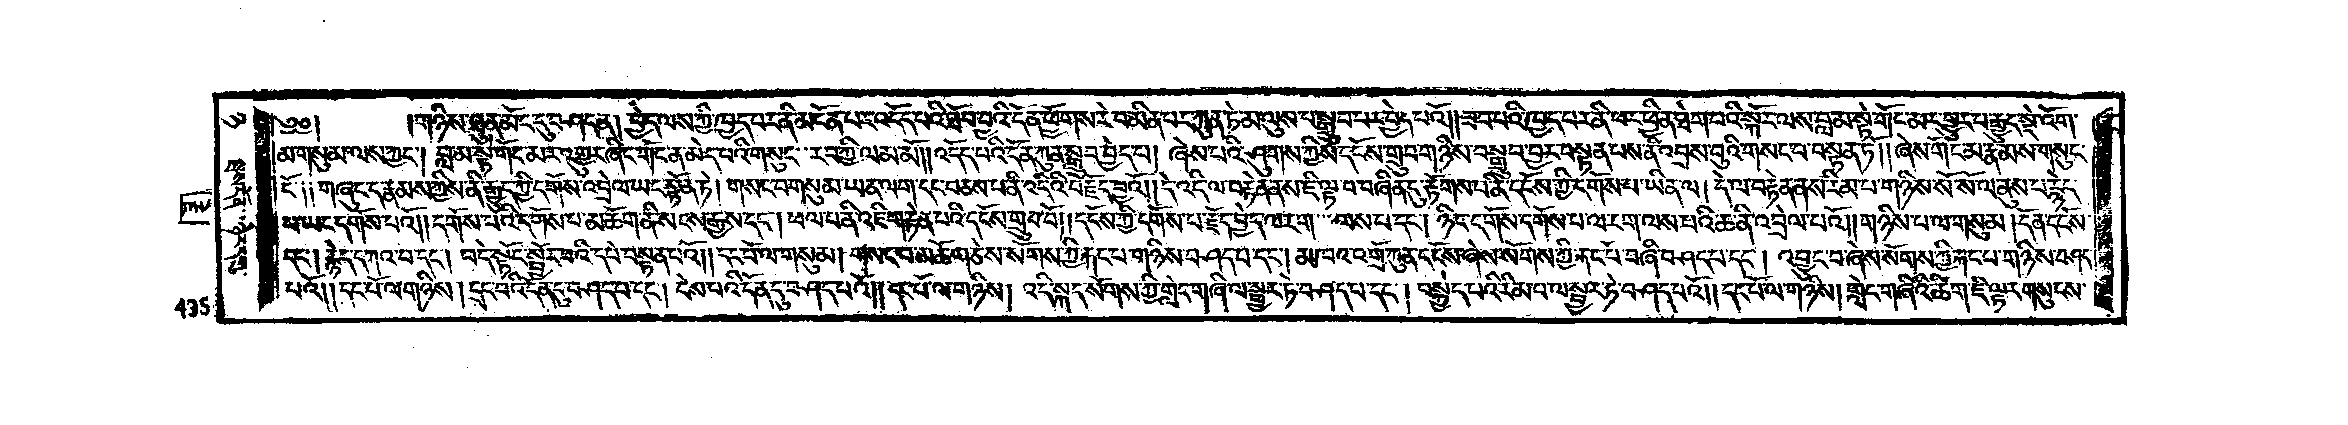༄༅། །གཉིས་ཐུན་མོང་དུ་བཤད་ན། བྱེད་ལས་ཀྱི་ཁྱད་པར་ནི་མངོན་པར་འདོད་པའི་ཐོབ་བྱའི་དོན་ཕྱོགས་རེ་བ་མིན་པར་ཀུན་ཏེ་མ་ལུས་པ་སྒྲུབ་པར་བྱེད་པའོ། །ཟབ་པའི་ཁྱད་པར་ནི་ཕར་ཕྱིན་ཐེག་པའི་སྐོར་ལས་བླ་མ་སྟེ་གོང་མར་གྱུར་པ་རྒྱུད་སྡེ་འོག་
མ་གསུམ་ལས་ཀྱང་། བླ་མ་སྟེ་གོང་མར་འགྱུར་ཞིང་གོང་ན་མེད་པའི་གསུང་རབ་ཀྱི་ལམ་མོ། །འདོད་པའི་དོན་ཀུན་སྒྲུབ་བྱེད་པ། ཞེས་པའི་ཤུགས་ཀྱིས་དངོས་གྲུབ་གཉིས་བསྒྲུབ་བྱར་བསྟན་པས་ནི་འབྲས་བུའི་གསང་བ་བསྟན་ཏོ། །ཞེས་གོང་མ་རྣམས་གསུང་
ངོ། །གཞུང་དེ་རྣམས་ཀྱིས་ནི་རྒྱུད་ཀྱི་དགོས་འབྲེལ་ཡང་སྟོན་ཏེ། གསང་བ་གསུམ་ཡན་ལག་དང་བཅས་པ་ནི་འདིའི་བརྗོད་བྱའོ། །དེ་འདི་ལ་བརྟེན་ནས་ཇི་ལྟ་བ་བཞིན་དུ་རྟོགས་པ་ནི་དངོས་ཀྱི་དགོས་པ་ཡིན་ལ། དེ་ལ་བརྟེན་ནས་རིམ་པ་གཉིས་སོ་སོ་ལ་ནུས་པ་རྙེད་
པ་ཡང་དགོས་པའོ། །དགོས་པའི་དགོས་པ་མཆོག་ནི་སངས་རྒྱས་དང་། ཕལ་པ་ནི་འཇིག་རྟེན་པའི་དངོས་གྲུབ་བོ། །དངོས་ཀྱི་དགོས་པ་རྗོད་བྱེད་ལ་རག་ལས་པ་དང་། ཉིད་དགོས་དགོས་པ་ལ་རག་ལས་པའི་ཆ་ནི་འབྲེལ་པའོ། །གཉིས་པ་ལ་གསུམ། དོན་དངོས་
དང་། རྙེད་དཀའ་བ་དང་། བདེ་སྟོང་སྦྱོར་བའི་དཔེ་བསྟན་པའོ། །དང་པོ་ལ་གསུམ། གསང་བ་མཆོག་ཅེས་སོགས་ཀྱི་རྐང་པ་གཉིས་བཤད་པ་དང་། མཁའ་འགྲོ་ཀུན་དངོས་ཞེས་སོགས་ཀྱི་རྐང་པ་བཞི་བཤད་པ་དང་། འབྱུང་བ་ཞེས་སོགས་ཀྱི་རྐང་པ་གཉིས་བཤད་
པའོ། །དང་པོ་ལ་གཉིས། དྲང་བའི་དོན་དུ་བཤད་པ་དང་། ངེས་པའི་དོན་དུ་བཤད་པའོ། །དང་པོ་ལ་གཉིས། འདི་སྐད་སོགས་ཀྱི་གླེང་གཞི་ལ་སྦྱར་ཏེ་བཤད་པ་དང་། བསྐྱེད་པའི་རིམ་པ་ལ་སྦྱར་ཏེ་བཤད་པའོ། །དང་པོ་ལ་གཉིས། གླེང་གཞིའི་ཚིག་ཇི་ལྟར་གསུངས་